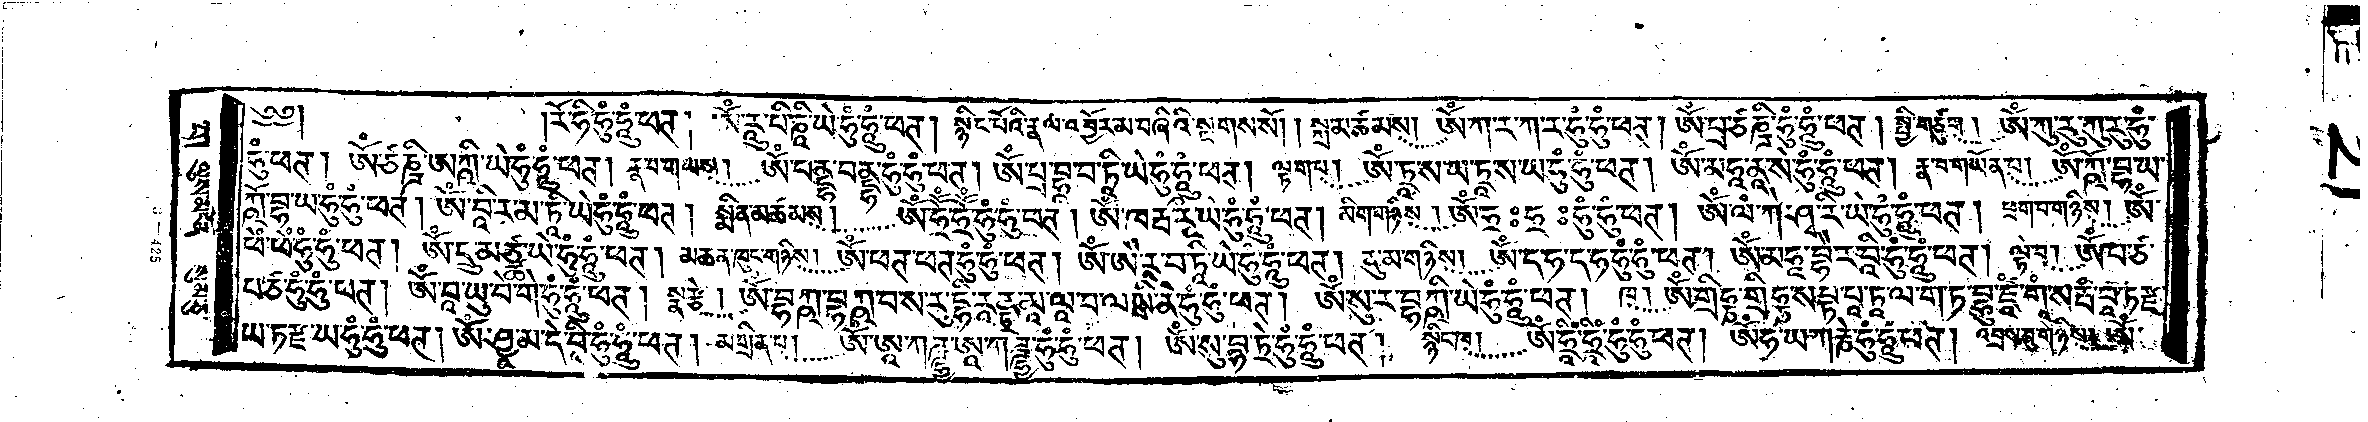༄༅། །རོ་ཧི་ཧཱུཾ་ཧཱུཾ་ཕཊ། ཨོཾ་རཱུ་པི་ཎཱི་ཡེ་ཧཱུཾ་ཧཱུཾ་ཕཊ། སྙིང་པོའི་རྣལ་འབྱོར་མ་བཞིའི་སྔགས་སོ། །སྐྲ་མཚམས་ཨོཾ་ཀ་ར་ཀ་ར་ཧཱུཾ་ཧཱུཾ་ཕཊ་།ཨོཾ་པྲ་ཙཎྜི་ཧཱུཾ་ཧཱུཾ་ཕཊ། སྤྱི་གཙུག་ཨོཾ་ཀུ་རུ་ཀུ་རུ་ཧུཾ་
ཧཱུཾ་ཕཊ། ཨོཾ་ཙཎྜི་ཨཀྵི་ཡེ་ཧཱུཾ་ཧཱུཾ་ཕཊ། རྣ་བ་གཡས་ཨོཾ་བནྡྷ་བནྡྷ་ཧཱུཾ་ཧཱུཾ་ཕཊ།  ཨོཾ་པྲ་བྷཱ་བ་ཏཱི་ཡེ་ཧཱུཾ་ཧཱུཾ་ཕཊ། ལྟག་པ། ཨོཾ་ཏྲཱ་ས་ཡ་ཏྲཱ་ས་ཡ་ཧཱུཾ་ཧཱུཾ་ཕཊ།  ཨོཾ་མཧཱ་ནཱ་སེ་ཧཱུཾ་ཧཱུཾ་ཕཊ། རྣ་བ་གཡོན་ཨོཾ་ཀྵོ་བྷ་ཡ
ཀྵོ་བྷ་ཡ་ཧུཾ་ཧཱུཾ་ཕཊ། ཨོཾ་བཱི་ར་མ་ཏཱི་ཡེ་ཧཱུཾ་ཧཱུཾ་ཕཊ། སྨིན་མཚམས་ཨོཾ་ཧྲཽཾ་ཧྲཽཾ་ཧཱུཾ་ཧཱུཾ་ཕཊ།  ཨོཾ་ཁརྦ་རཱྀ་ཡེ་ཧཱུཾ་ཧཱུཾ་ཕཊ། མིག་གཉིས་ཨོཾ་ཧྲཿཧྲཿཧུཾ་ཧུཾ་ཕཊ།  ཨོཾ་ལཾ་ཀེ་ཤྭ་རི་ཡེ་ཧཱུཾ་ཧཱུཾ་ཕཊ། ཕྲག་པ་གཉིས་ཨོཾ་
ཕེཾ་ཕེཾ་ཧཱུཾ་ཧཱུཾ་ཕཊ། ཨོཾ་དྲུ་མཙྪ་ཡེ་ཧཱུཾ་ཧཱུཾ་ཕཊ། མཆན་ཁུང་གཉིས་ཨོཾ་ཕཊ་ཕཊ་ཧཱུཾ་ཧཱུཾ་ཕཊ།  ཨོཾ་ཨཻ་རཱ་བ་ཏཱི་ཡེ་ཧཱུཾ་ཧཱུཾ་ཕཊ། ནུ་མ་གཉིས་ཨོཾ་ད་ཧ་ད་ཧ་ཧཱུཾ་ཧཱུཾ་ཕཊ།  ཨོཾ་མཧཱ་བྷཻ་ར་བཱི་ཧཱུཾ་ཧཱུཾ་ཕཊ། ལྟེ་བ་ཨོཾ་པ་ཙ་
པ་ཙ་ཧུཾ་ཧཱུཾ་ཕཊ། ཨོཾ་བཱ་ཡུ་བེ་གེ་ཧཱུཾ་ཧཱུཾ་ཕཊ། སྣ་རྩེ་ཨོཾ་བྷཀྵ་བྷཀྵ་བ་ས་རུ་དྷི་རཱ་ནྟྲ་མཱ་ལཱ་བ་ལ་ཡྦི?་ནེ་ཧཱུཾ་ཧཱུཾ་ཕཊ།  ཨོཾ་སུ་ར་བྷ་ཀྵི་ཡེ་ཧཱུཾ་ཧཱུཾ་ཕཊ། ཁ་ཨོཾ་གྲིཧྞ་གྲིཧྞ་སཔྟ་པཱ་ཏཱ་ལ་ག་ཏ་བྷུ་ཛཱཾ་གཱཾ་སརྦཱཾ་པཱ་ཏ་རྫ་
ཡ་ཏ་རྫ་ཡ་ཧཱུཾ་ཧཱུཾ་ཕཊ། ཨོཾ་ཤྱཱ་མ་དེ་བི་ཧཱུཾ་ཧཱུཾ་ཕཊ། མགྲིན་པ་ཨོཾ་ཨཱ་ཀཌྜྷྱ་ཨཱ་ཀཌྜྷྱ་ཧཱུཾ་ཧཱུཾ་ཕཊ།  ཨོཾ་སུ་བྷ་ཏྲེ་ཧཱུཾ་ཧཱུཾ་ཕཊ། སྙིང་ཁ་ཨོཾ་ཧྲཱིཾ་ཧྲཱིཾ་ཧཱུཾ་ཧཱུཾ་ཕཊ།  ཨོཾ་ཧ་ཡ་ཀ་རྞེ་ཧཱུཾ་ཧཱུཾ་ཕཊ། འབྲས་བུ་གཉིས། ཨོཾ་